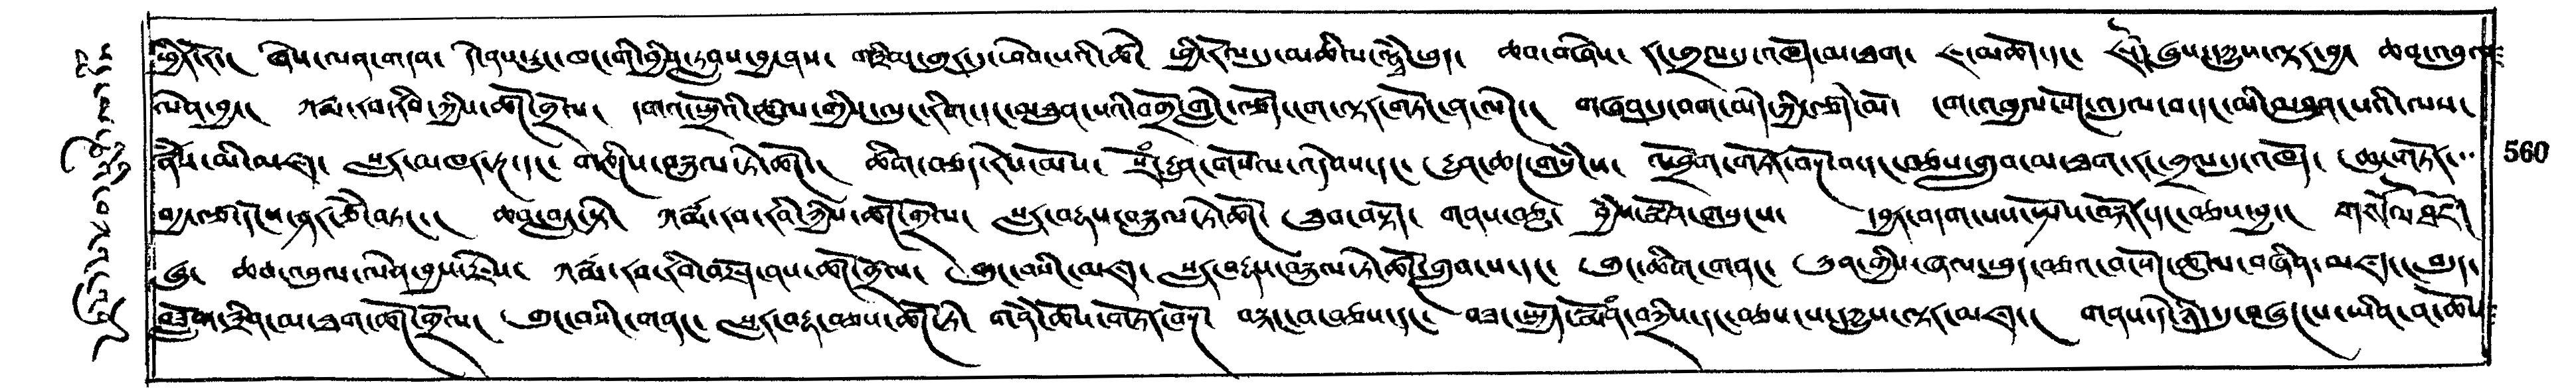ཕྱིར་རོ།། ཞེས་ལན་གདབ། དེ་ནས་རུང་ཁང་གི་བྱིན་བརླབ་བྱས་ནས། གཟིམ་གུར་དུ་ཕེབས་པའི་ཚེ། ཕྱི་རོལ་དུ་མཆིལ་ལྷམ་ཕུད། ཆབ་བཞེས། རང་གྲལ་དུ་འཁོད་མ་ཐག། ཇ་མཆོད་དང་ཇ༽ཞུས་དཀྱུས་ལྟར་བྱ། ཆབ་འབུལ་
ལེན་བྱ། སྐར་མ་རབ་རིབ་ཀྱིས་ཚོགས་གྲོལ། དགའ་སྤྲོའི་ཚུལ་གྱིས་ལུང་རིགས་དང་མཐུན་པའི་བགྲོ་གླེང་རྩོད་ངག་ལྟར་གཏང་ན་ལེགས། གཞན་དུ་བག་མེད་ཀྱི་རྩེད་མོ། ངག་འཁྱལ་སོགས་འདུལ་བ་དང་མི་མཐུན་པའི་ལས་
རྣམས་མི་མཛད། སླར་མཁར་རྔ་དང་། གཎྜིས་བསྐུལ་ཏེ་ཚོགས། ཚིགས་བཅད་རེས་མོས། སྡོམ་རྒྱུན་གསོལ་འདེབས་དང་། རྒྱུན་ཆགས་གསུམ་པ་འཕྲོག་གཏོར་བསྔོ་བ་དང་བཅས་གྲུབ་མ་ཐག་རང་གྲལ་དུ་འཁོད། ཆུ་གཏོར་
བརྒྱ་རྩ་གདངས་ཤར་ཙམ་བཏང་། ཆབ་བླངས་ཏེ། སྐར་མ་རབ་རིབ་ཀྱིས་ཚོགས་གྲོལ། སླར་བརྡས་བསྐུལ་ཏེ་ཚོགས། ཐུབ་བསྟོད། གནས་བཅུ། བྱམས་སྨོན་གསུངས། དབྱར་བདག་པས་སྤོས་བསྐོར་དང་བཅས་བྱ། གསོལ་ཐང་
ཞུ། ཆབ་འབུལ་ལེན་བྱས་རྗེས། སྐར་མ་རབ་རིབ་བརྗོད་ནས་ཚོགས་གྲོལ། གུང་སེང་མཛད། སླར་བརྡས་བསྐུལ་ཏེ་ཚོགས་གྲུབ་པ་དང་གུང་ཚིགས་གནང། ཀུན་ཀྱིས་ཞལ་ཕུད་བཅའ་བ་སོགས་ཚུལ་བཞིན་མཛད། བདུད་
བཟློག་ཟིན་མ་ཐག་ཚོགས་གྲོལ། གུང་སེང་གནང་། སླར་བརྡ་བཅས་ཚོགས་ཏེ། གནམ་ཆོས་གཏོར་བསྔོ། བསྐང་བ་བཅས་དང་། བཟང་སྤྱོད་སྨོན་ལམ་བཀྲ་ཤིས་དང་བཅས་པ་དཀྱུས་ལྟར་མཛད།གནས་དེ་ཉིད་དུ་བཞུགས་པ་ཡིན་ན་ཆོས་